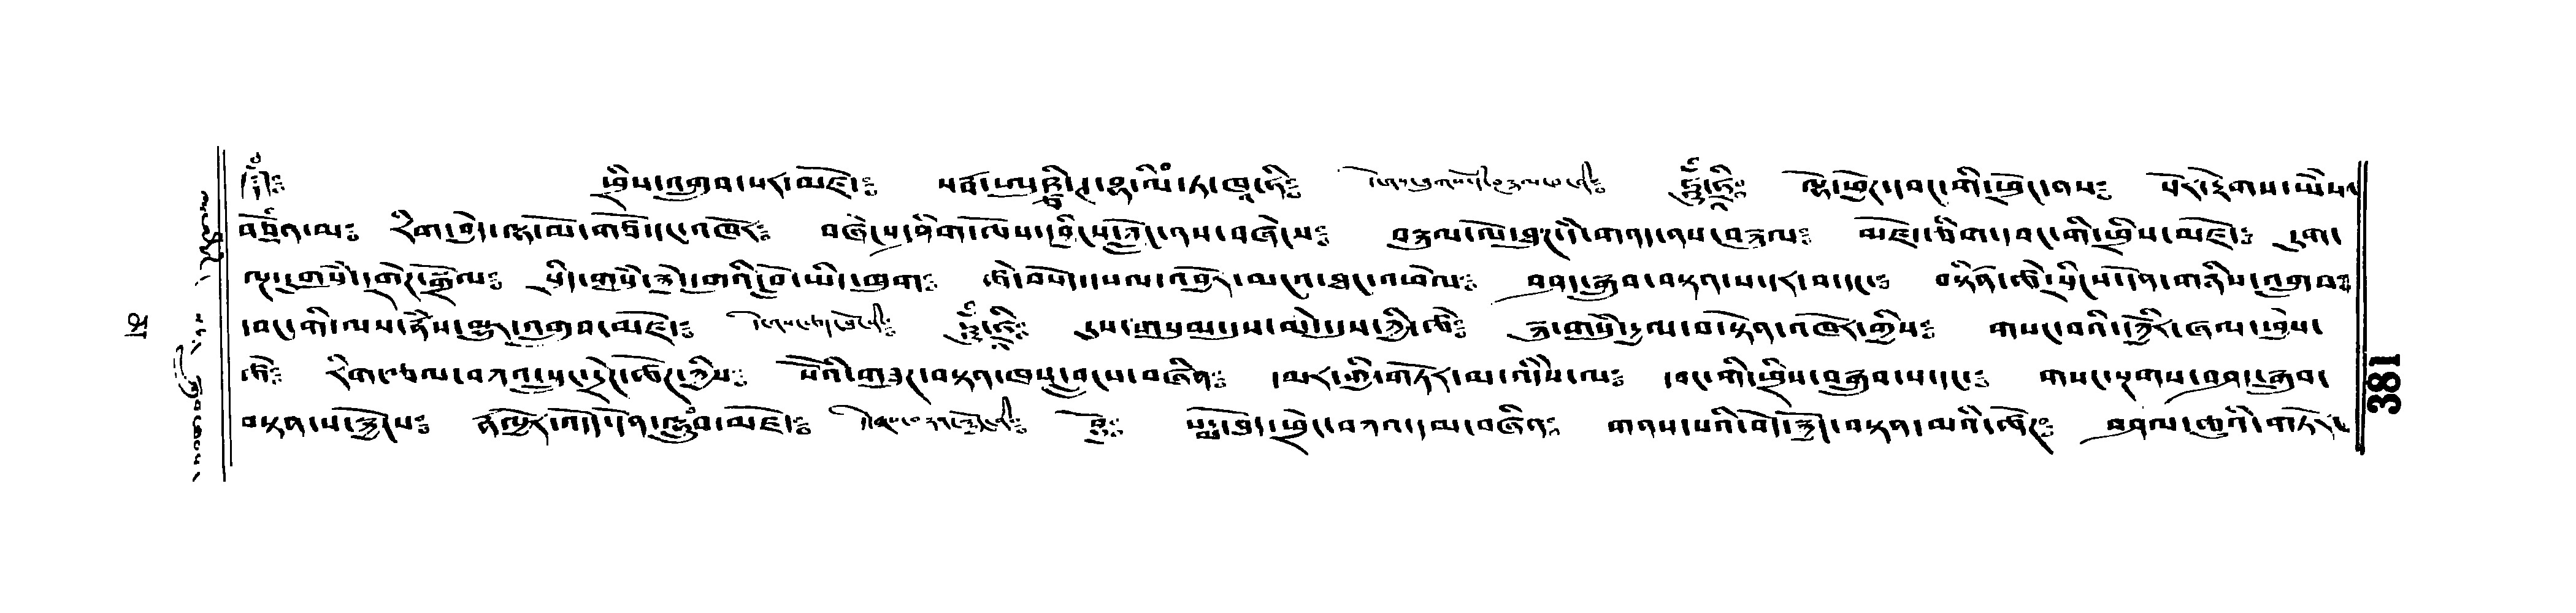ཕྲིན་ལས་འགྲུབ་པར་མཛོད༔ སརྦ་ཨུ་ཙྪིཥྚ་བྷ་ལིཾ་ཏ་ཁཱ་ཧིཿ དེ་ནས་ཐུགས་དམ་བསྐུལ་བ་ནི༔ ཧཱུྃ་ཧྲཱིཿ ལྷོ་ཕྱོགས་དབང་གི་ཕོ་བྲང་ནས༔ སོར་རྟོགས་ཡེ་ཤེས་
བཅོམ་ལྡན་མ༔ རིག་བྱེད་ལྷ་མོ་གཙོ་དང་འཁོར༔ བཞེངས་ཤིག་ཆོས་དབྱིངས་ཀློང་ནས་བཞེངས༔ བསྐུལ་ལོ་ཐུགས་དམ་གནད་ནས་བསྐུལ༔ མཛོད་ཅིག་དབང་གི་ཕྲིན་ལས་མཛོད༔ དུག་
ལྔ་དུག་གསུམ་དགྲ་བགེགས་སྒྲོལ༔ སྲིད་གསུམ་སྐྱེ་དགུའི་བློ་ཡིད་ཁུག༔ ཚེ་བསོད་དཔལ་འབྱོར་མངའ་ཐང་འཕེལ༔ བཤད་སྒྲུབ་བསྟན་པ་དར་བ་དང༔ བསྟན་འཛིན་ཚེ་སྲིངས་དོན་གཉིས་འགྲུབ༔ 
དབང་གིས་ལས་རྣམས་མྱུར་འགྲུབ་མཛོད༔ དེ་ནས་ཆད་ཐོ་ནི༔ ཧཱུྃ་ཧྲཱིཿ དུས་གསུམ་དུས་མེད་དུས་ཀྱི་ཚེ༔ སྐུ་གསུམ་རྒྱལ་བ་སྟོན་འཁོར་གྱིས༔ གསང་བའི་དཀྱིལ་འཁོར་ཞལ་ཕྱེས་
ཚེ༔ རིག་རྩལ་བཀའ་སྲུང་དྲེགས་ཚོགས་ཀྱིས༔སོ་སོའི་གཟུགས་བསྟན་ཁས་བླངས་བཞིན༔ དམར་གྱི་གཏོར་མ་འདི་བཞཻས་ལ༔ དབང་གི་ཕྲིན་ལས་བསྒྲུབ་པ་དང༔ གསང་སྔགས་བཤད་སྒྲུབ་
བསྟན་པ་སྐྱོངས༔ རྣལ་འབྱོར་འདོད་དོན་ལྷུན་གྲུབ་མཛོད༔ དེ་ནས་བསྟན་སྐྱོང་ནི༔ བྷྱོ༔ པདྨ་ཐོད་ཕྲེང་བཀའ་དམ་བཞིན༔ གནས་པའི་བོད་སྐྱོང་བསྟན་མའི་ཚོགས༔ བཤལ་ཆུའི་གཏོར་